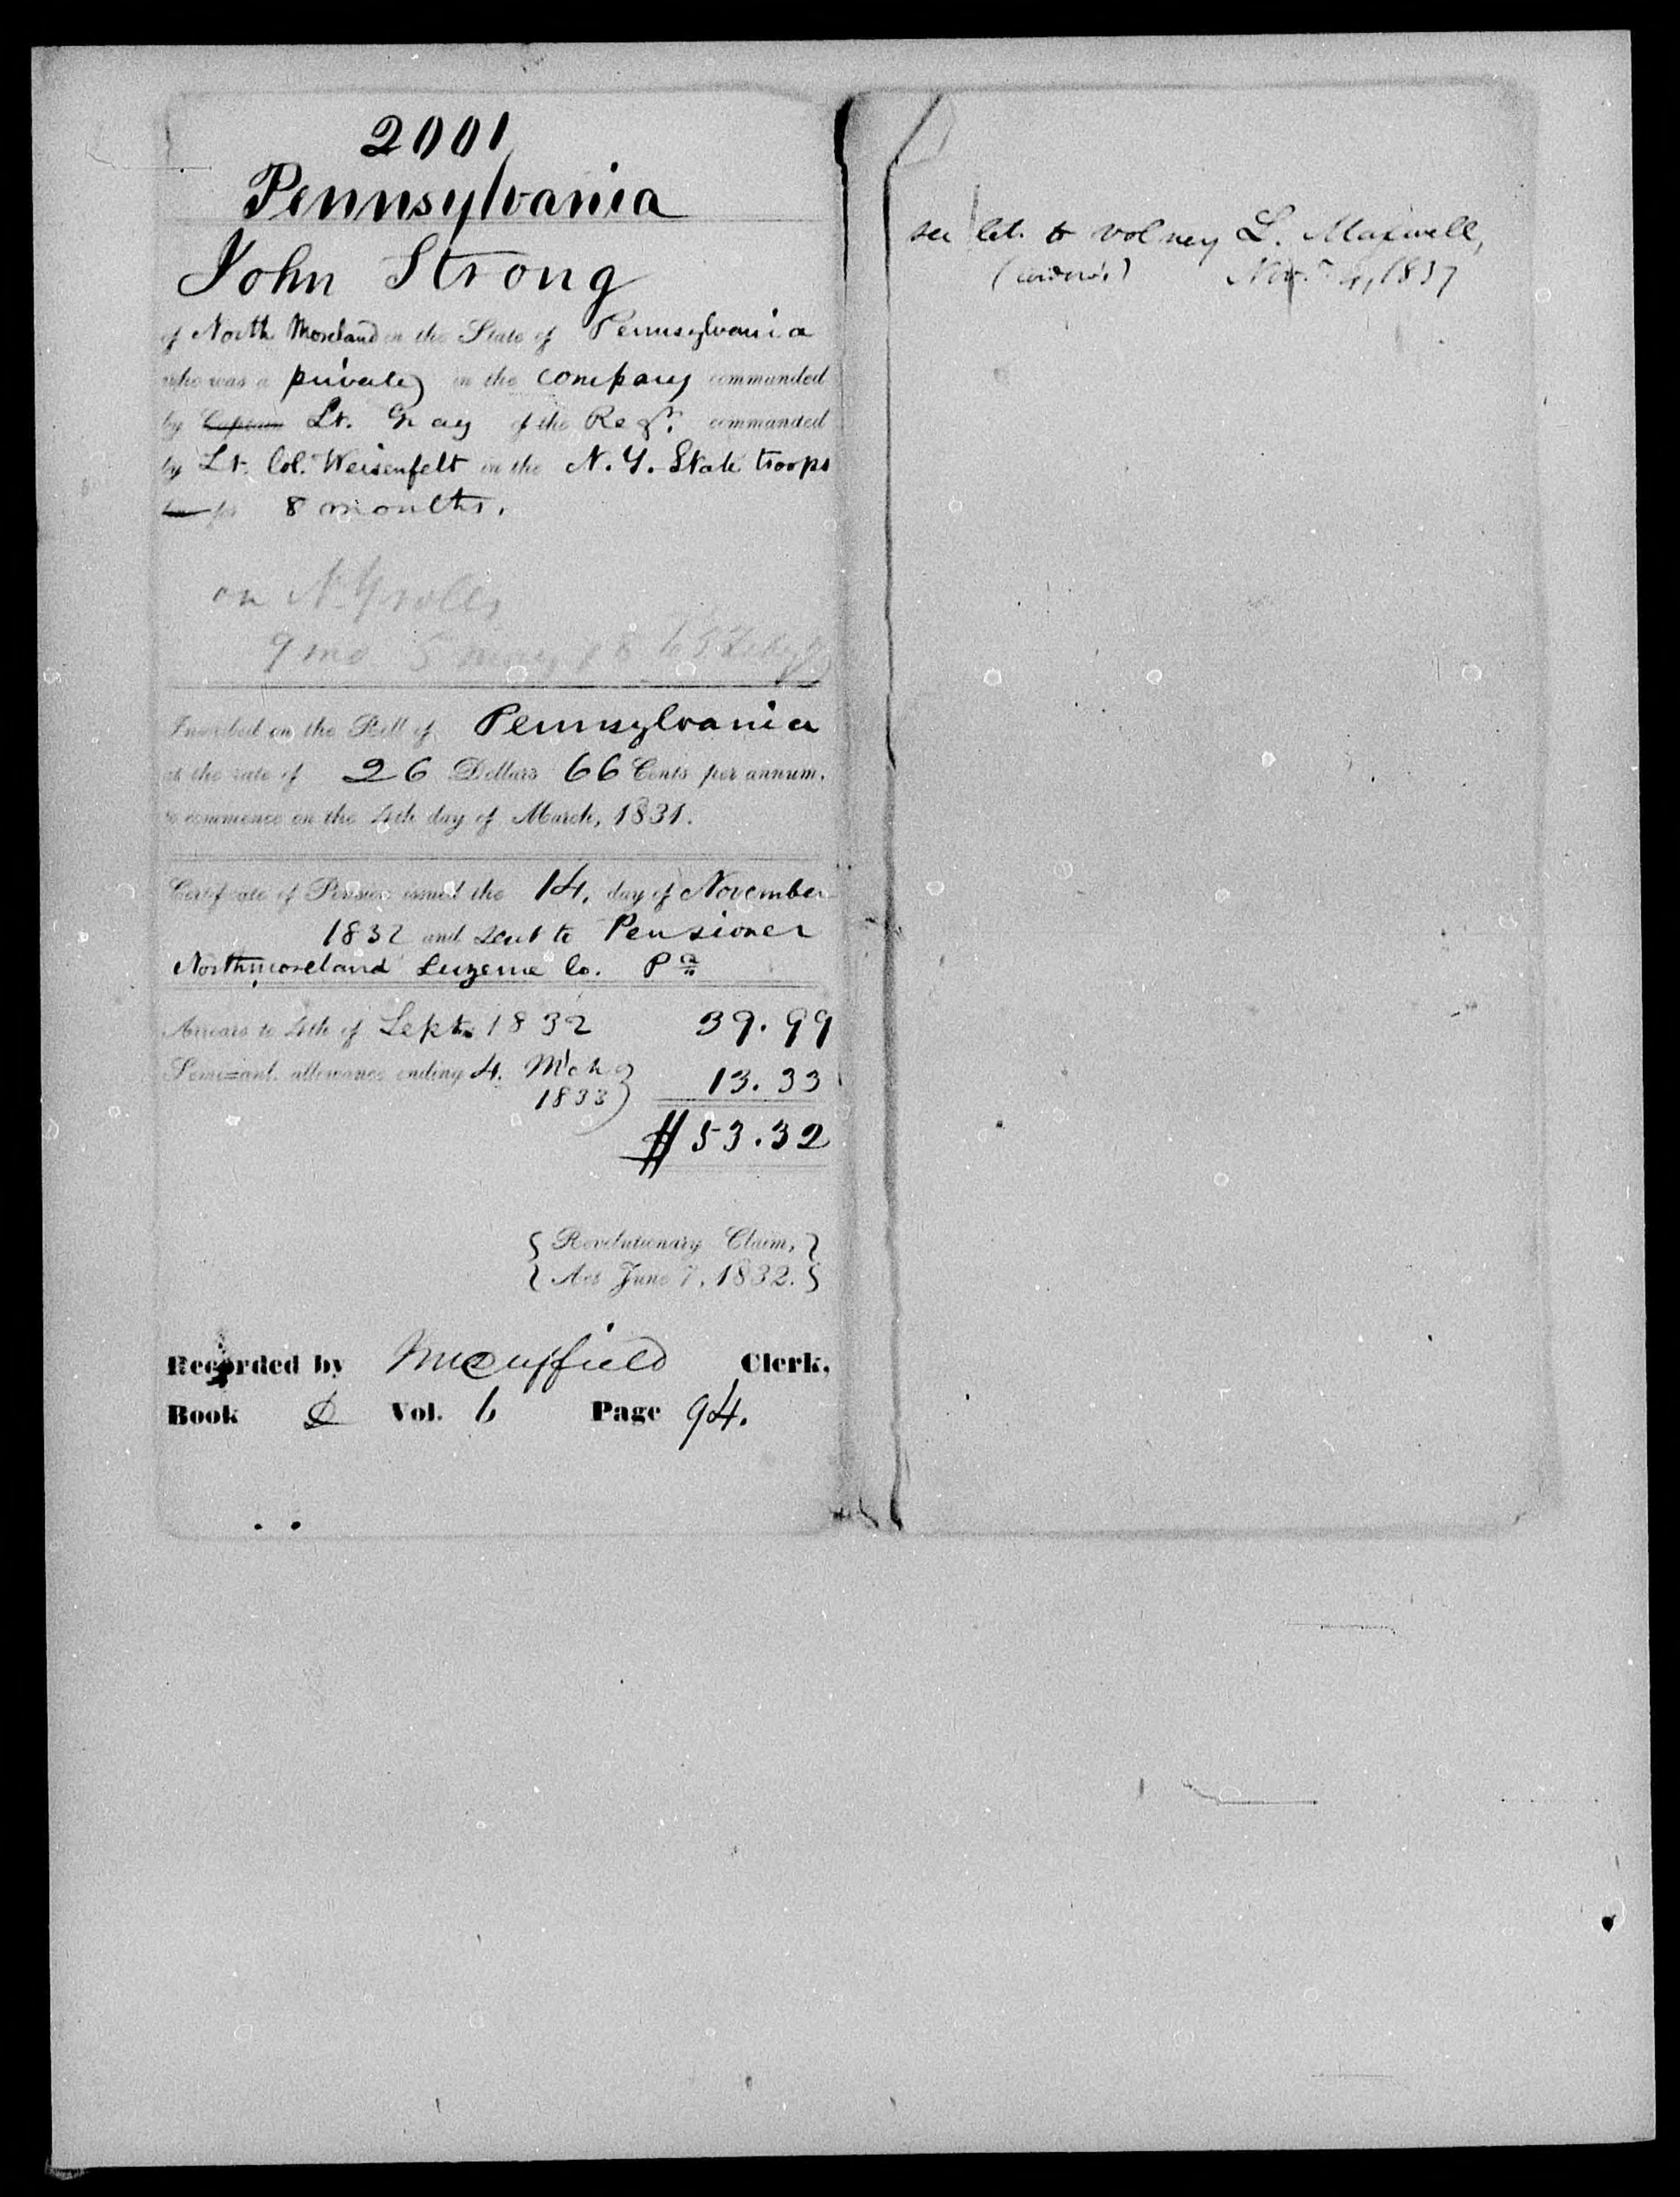2001
Pennsylvania
John Strong
of North Moreland in the State of Pennsylvania
who was a private in the company commanded 
by Lt. Gray of the Reg. commanded
by Lt. Col. Weisenfelt in the N. Y. State troops
for 8 months.

on N.Y. roll,
9 mo. 5 May 18 to 5 Feby

Inscribed on the Roll of Pennsylvania
at the rate of 26 Dollars 66 Cents per annum, 
to commence on the 4th day of March, 1831.

Certificate of Pension issued the 14, day of November
1832 and the sent to Pensioner
Northmoreland Luzerne Co. Pa

Arrears to 4th of Sept. 1832                                              39.99
Semi-anl. allowance ending 4 March of 1833.              13.33
                                                                                                        $53.32

{Revolutionary Claim, 
Act June 7, 1832}

Recorded by M. Cuffield Clerk,
Book D Vol. 6 Page 94

[text on second page on the right]
see let to volney L. Maxwell,
[illegible] Nov. 14[?] 1837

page: 2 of 33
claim: widow's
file: W. 4592, for John Strong, New York